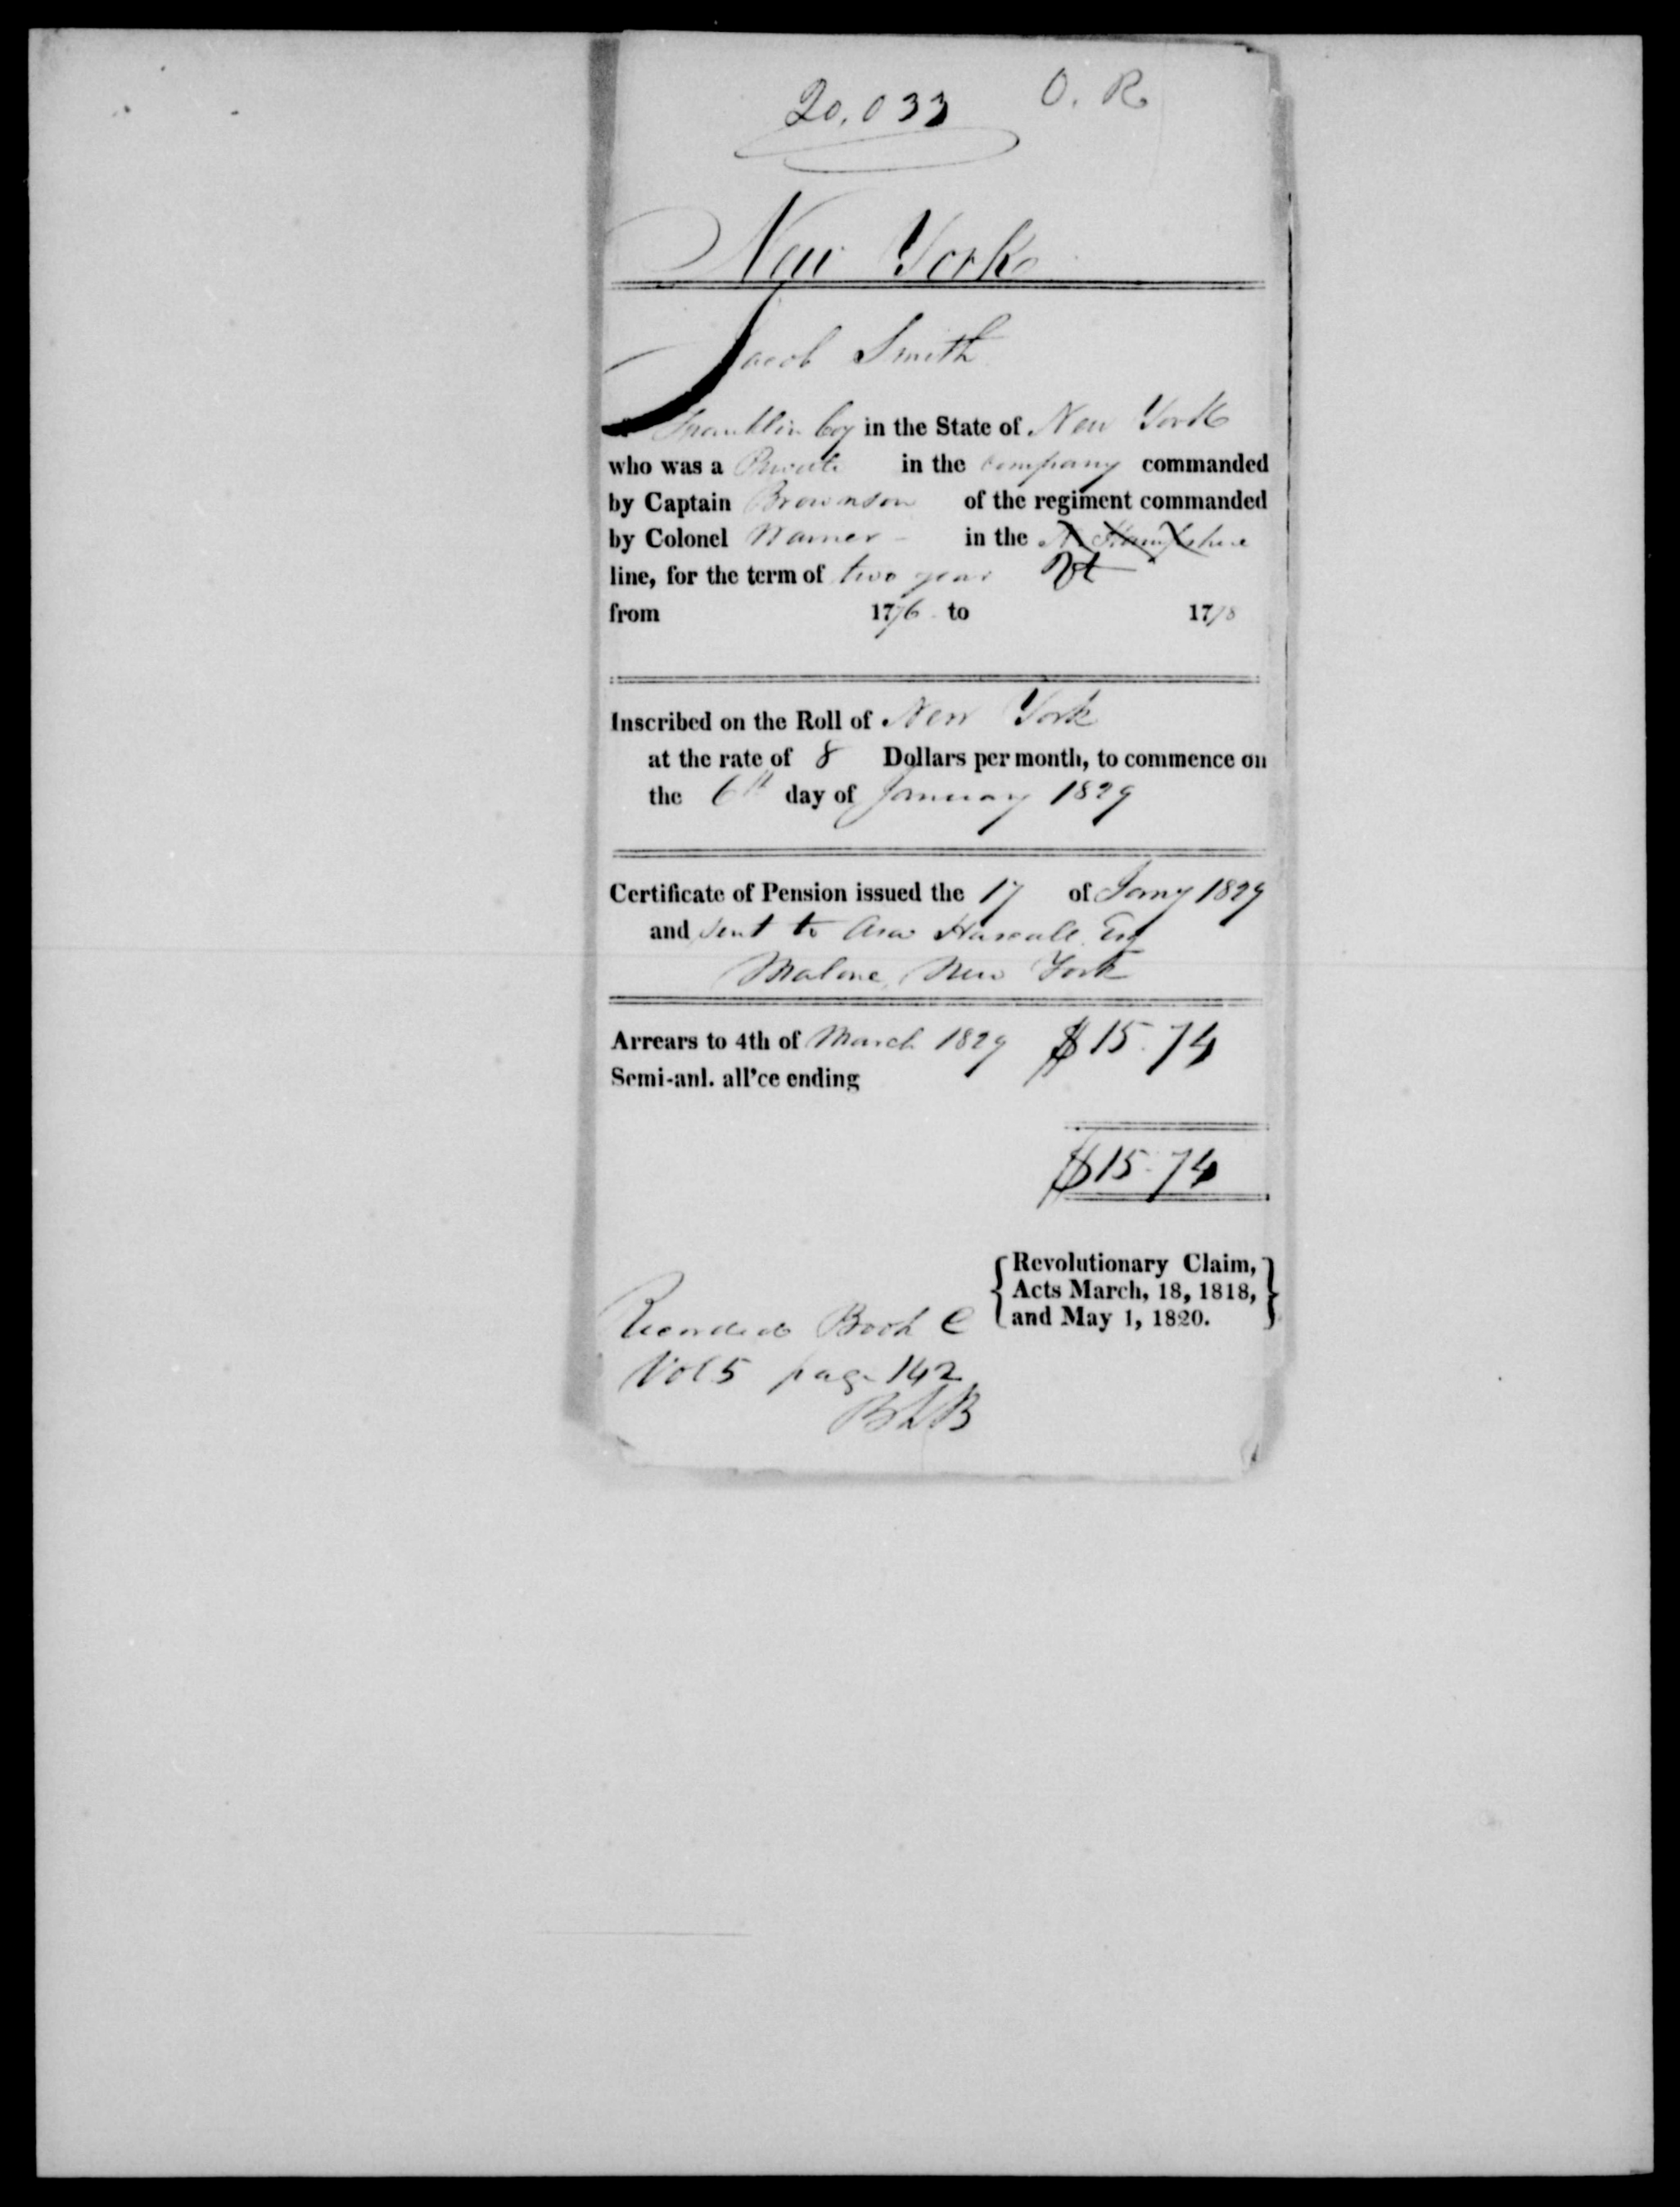20,033 O.R.
New York
[double line]
Jacob Smith
Franklin Coy in the Sate of New York who was a Private in the company commanded by Captain Brownson of the regiment commanded by Colonel Warner in the [crossed out] N. Hampshire [crossed out] Vt line, for the term of two years from1776 to 1778
[double line]
Inscribed on the Roll of New York at the rate of 8 Dollars per month, to commence on the 6th day of January 1829
[double line]
Certificate of Pension issued the 17 of Jany 1829 and sent to Asa Hascall. esq Malone, New York
[double line]
Arrears to 4th of March 1829 $15.74
Semi-anl. all'ce ending | [double line 
$15.74
Recorded Book C | {Revolutionary Claim, Acts March, 8,1818, and May 1, 1820}
Vol. 5 page 142
BLB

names: [BLANK] Brownson; Asa Hascall; [BLANK] Warner; Jacob Smith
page: 2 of 15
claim: survivor's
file: S. 43157, for Jacob Smith, Vermont